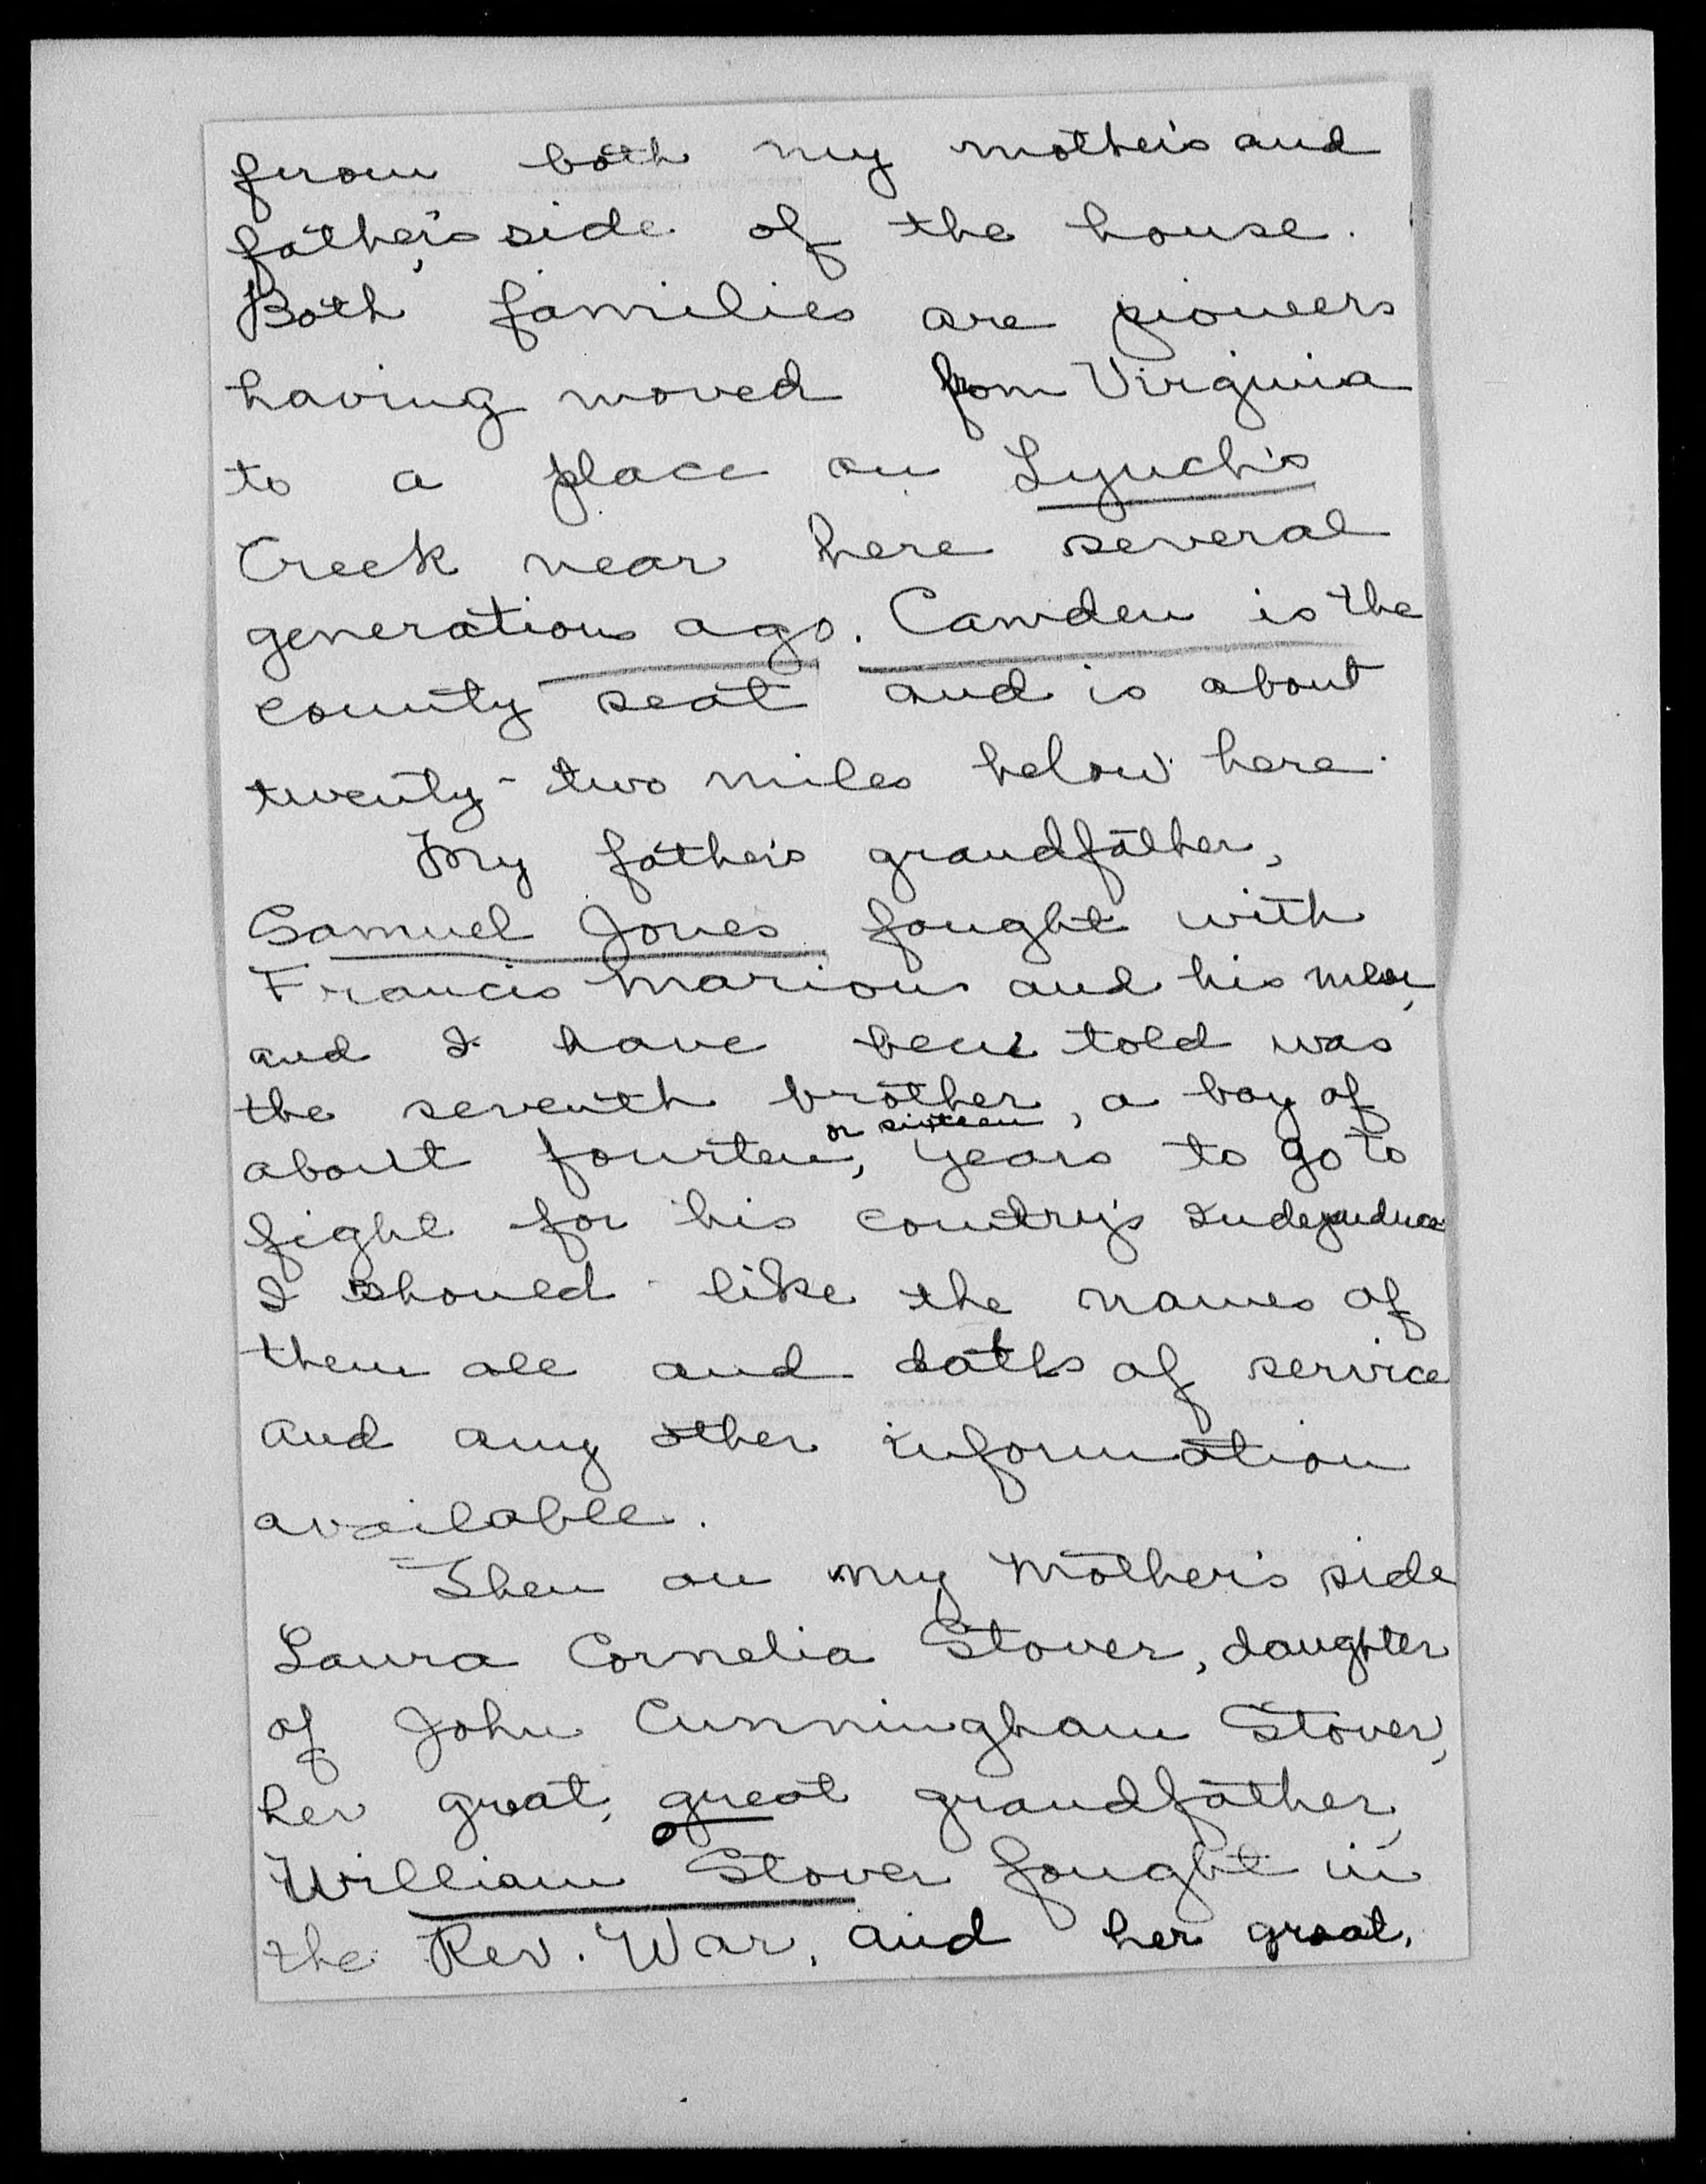from both my mother's and father's side of the house. Both families are pioneers having moved from Virginia to a place on Lynch's Creek near here several generations ago. Camden is the county seat and is about twenty-two miles below here.
My father's grandfather, Samuel Jones fought with Francis Marion and his men and I have been told was the seventh brother, a boy of about fourteen, or sixteen years to go to fight for his country's independence. I should like the names of them all and dates of service and any other information available.
Then on my mother's side Laura Cornelia Stover, daughter of John Cunningham Stover, her great, great grandfather, William Stover fought in the Rev. War, and her great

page: 20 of 28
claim: survivor's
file: S. 21844, for Samuel Jones, South Carolina